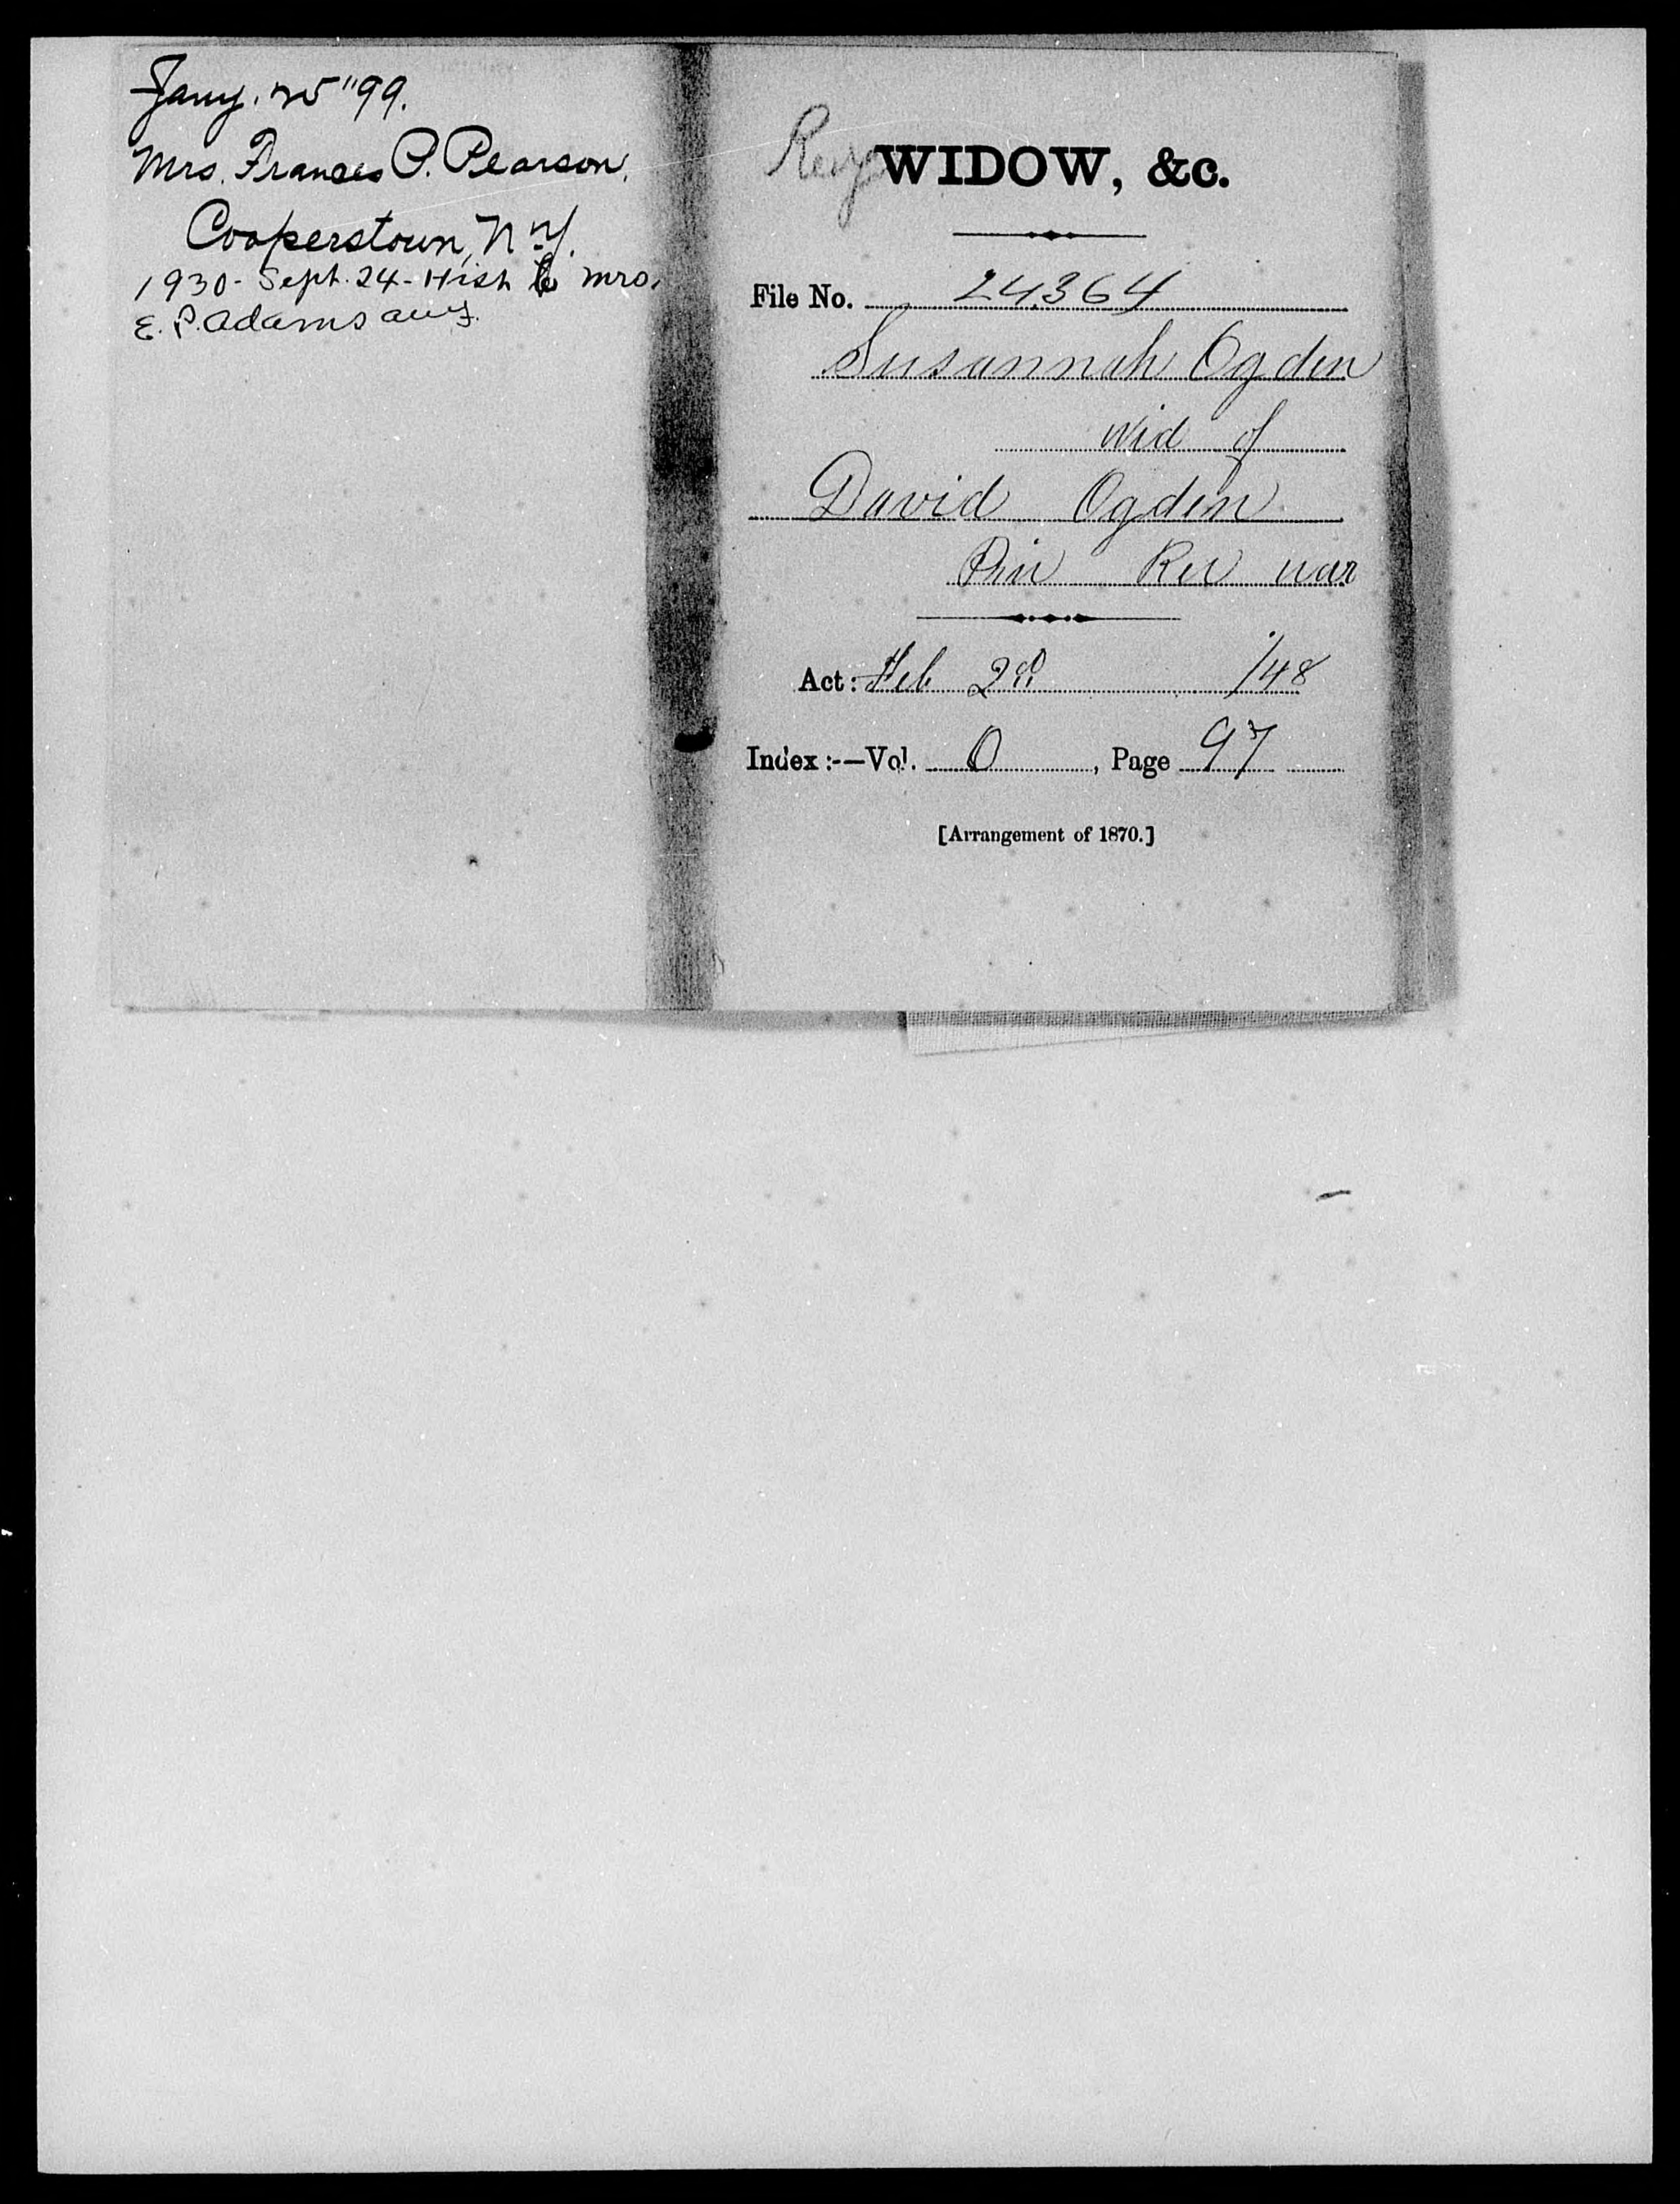[two-column page]

[left column]
Jany. 25 "99
Mrs. Francis P. Pearson
Cooperstown, N. Y. 

1930 - Sept 24 - Hist to Mrs.
E. P. Adams auy.

[right column]
Revy WIDOW, &c.
File No. 24.364

Susannah Ogden
Wid of
David Ogden
Pri Rev War

Act: Feb 2nd /48
Index:-- Vol. O, Page 97

[Arrangement of 1870.]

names: E P Adams; David Ogden; Frances P Pearson; Susannah Ogden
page: 25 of 40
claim: widow's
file: W. 24364, for David Ogden, New York